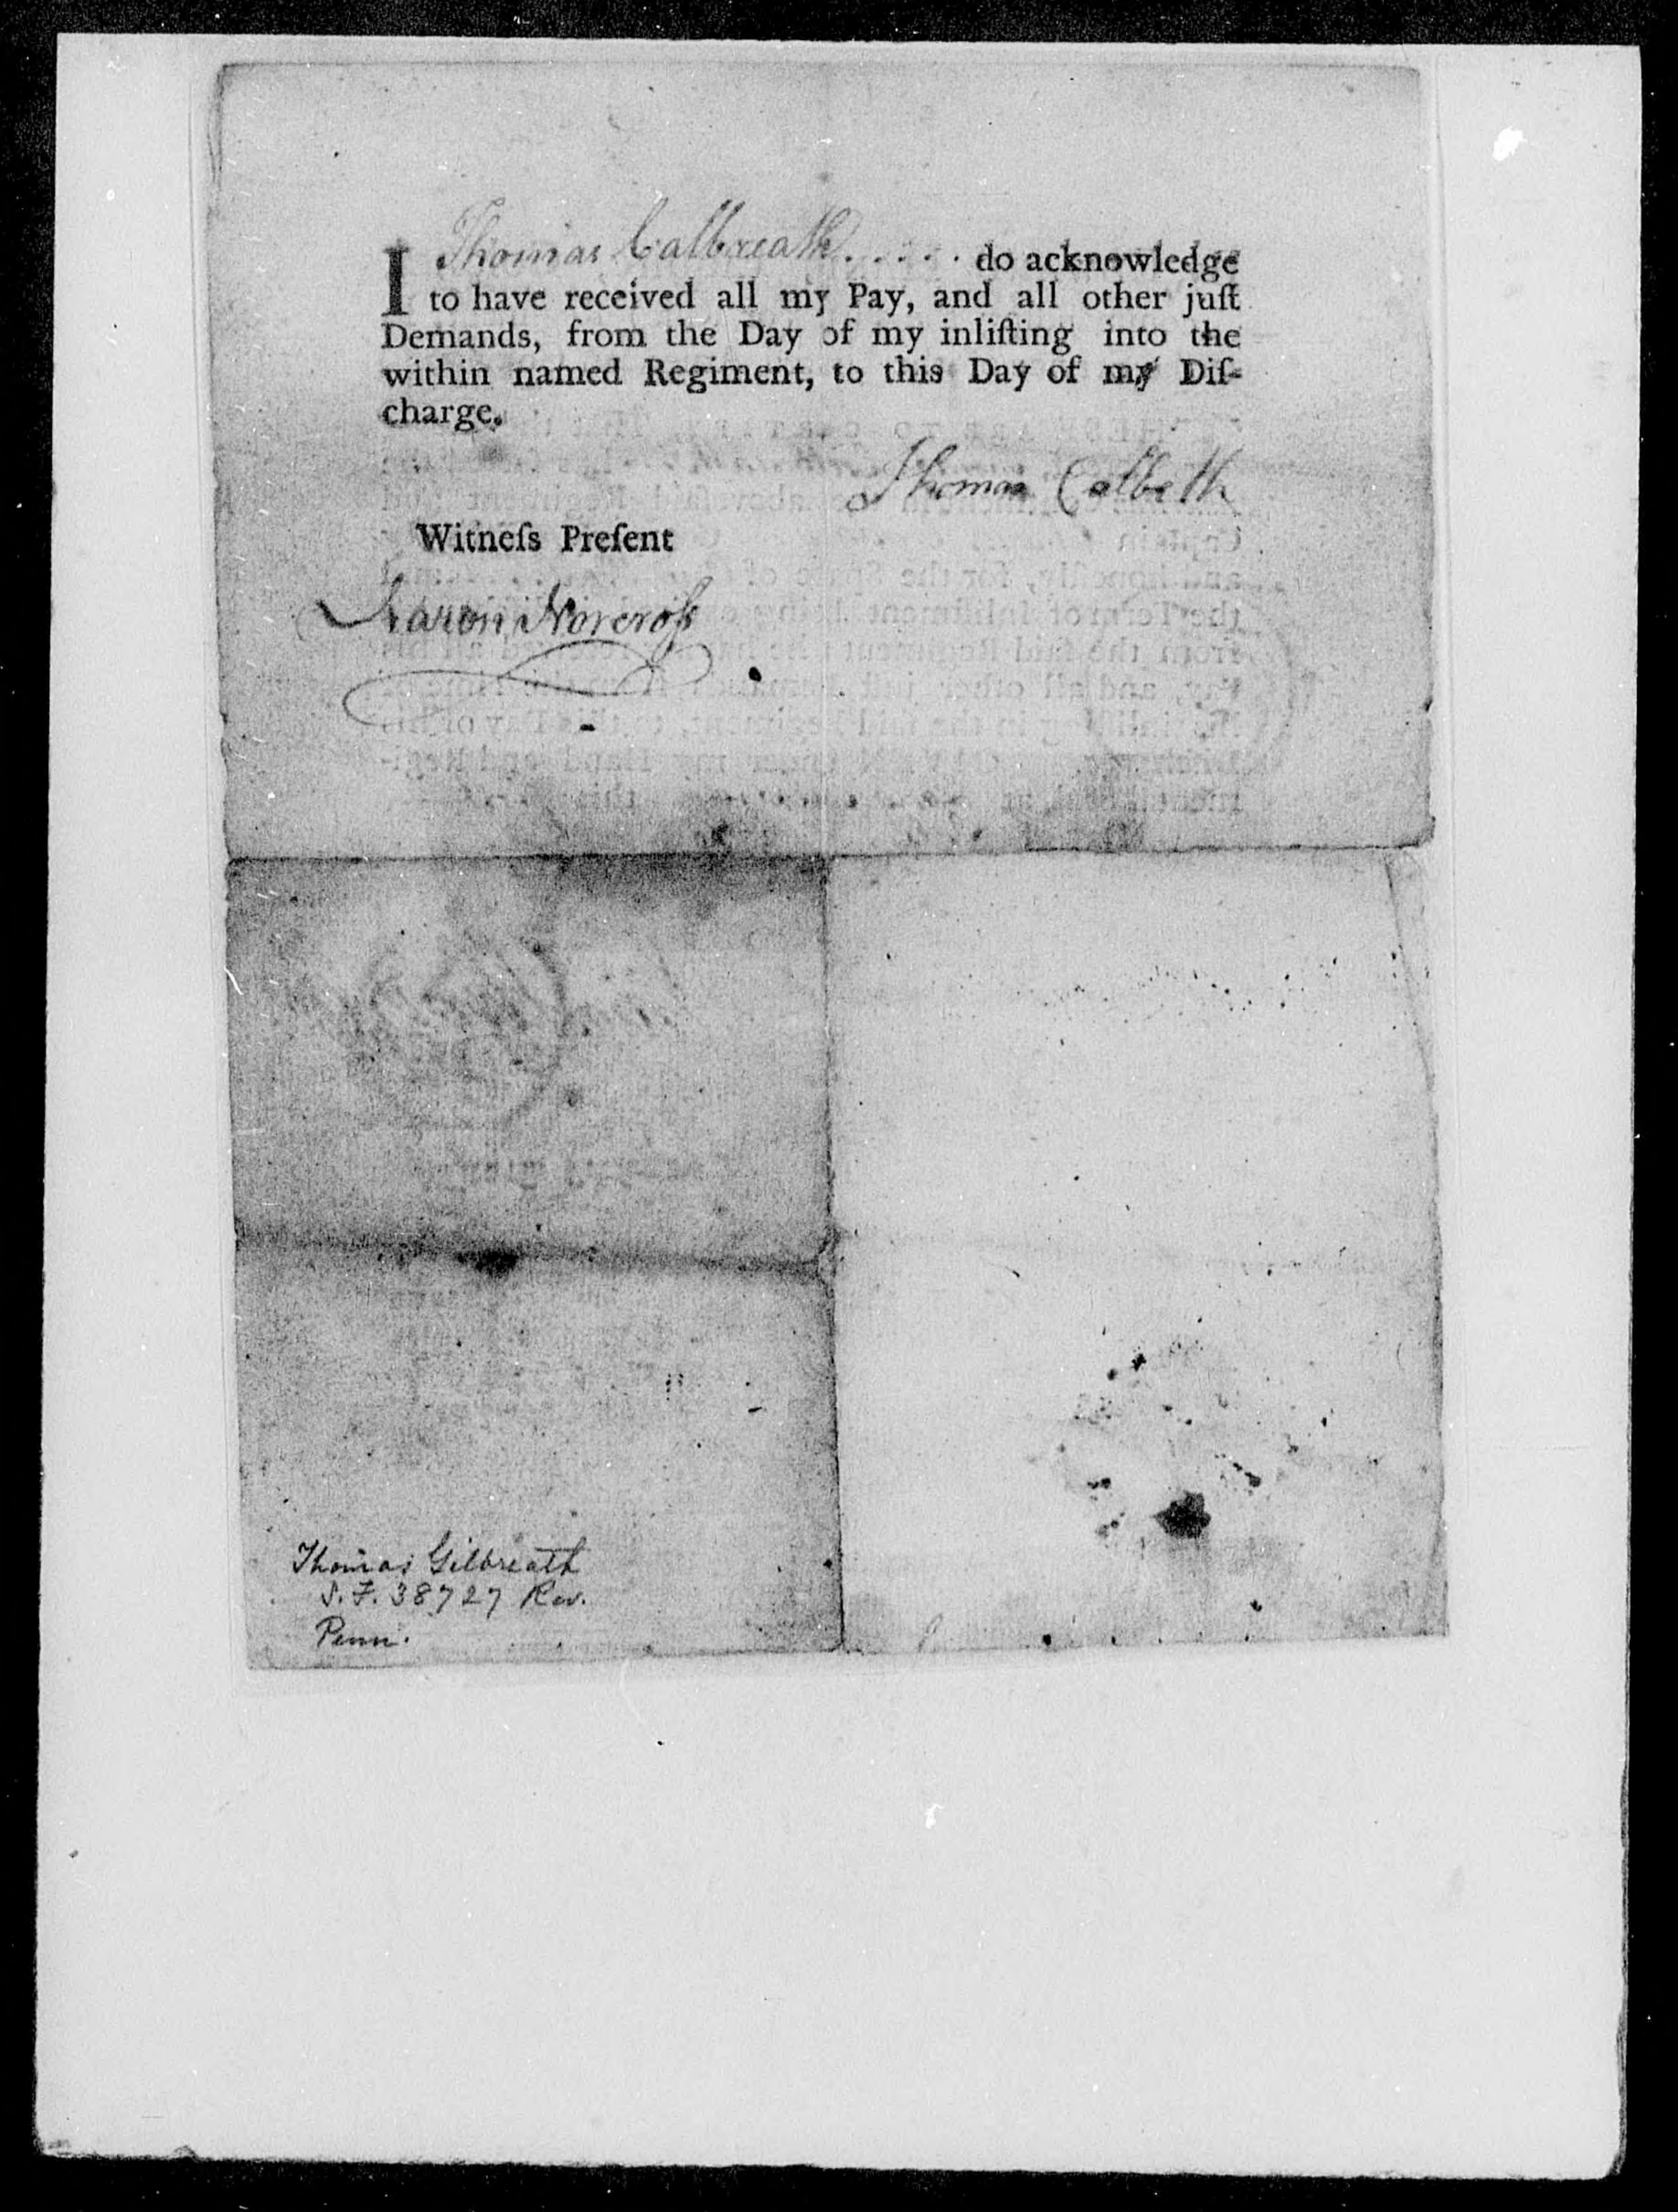Thomas Galbreath do acknowledge
to have received all my Pay, and all other just
Demands, from the Day of my inlisting into the
within named Regiment, to this Day of my Discharge
Thomas Galbreath

Witness Present
Aaron Norcross

Thomas Gilbreath
S. F. 38727 Rev.
Penn.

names: Aaron Norcross, Thomas Gilbreath, Thomas Calbreath, Thomas Colbeth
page: 16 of 24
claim: survivor's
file: S. 38727, Thomas Gilbreath, Penn.